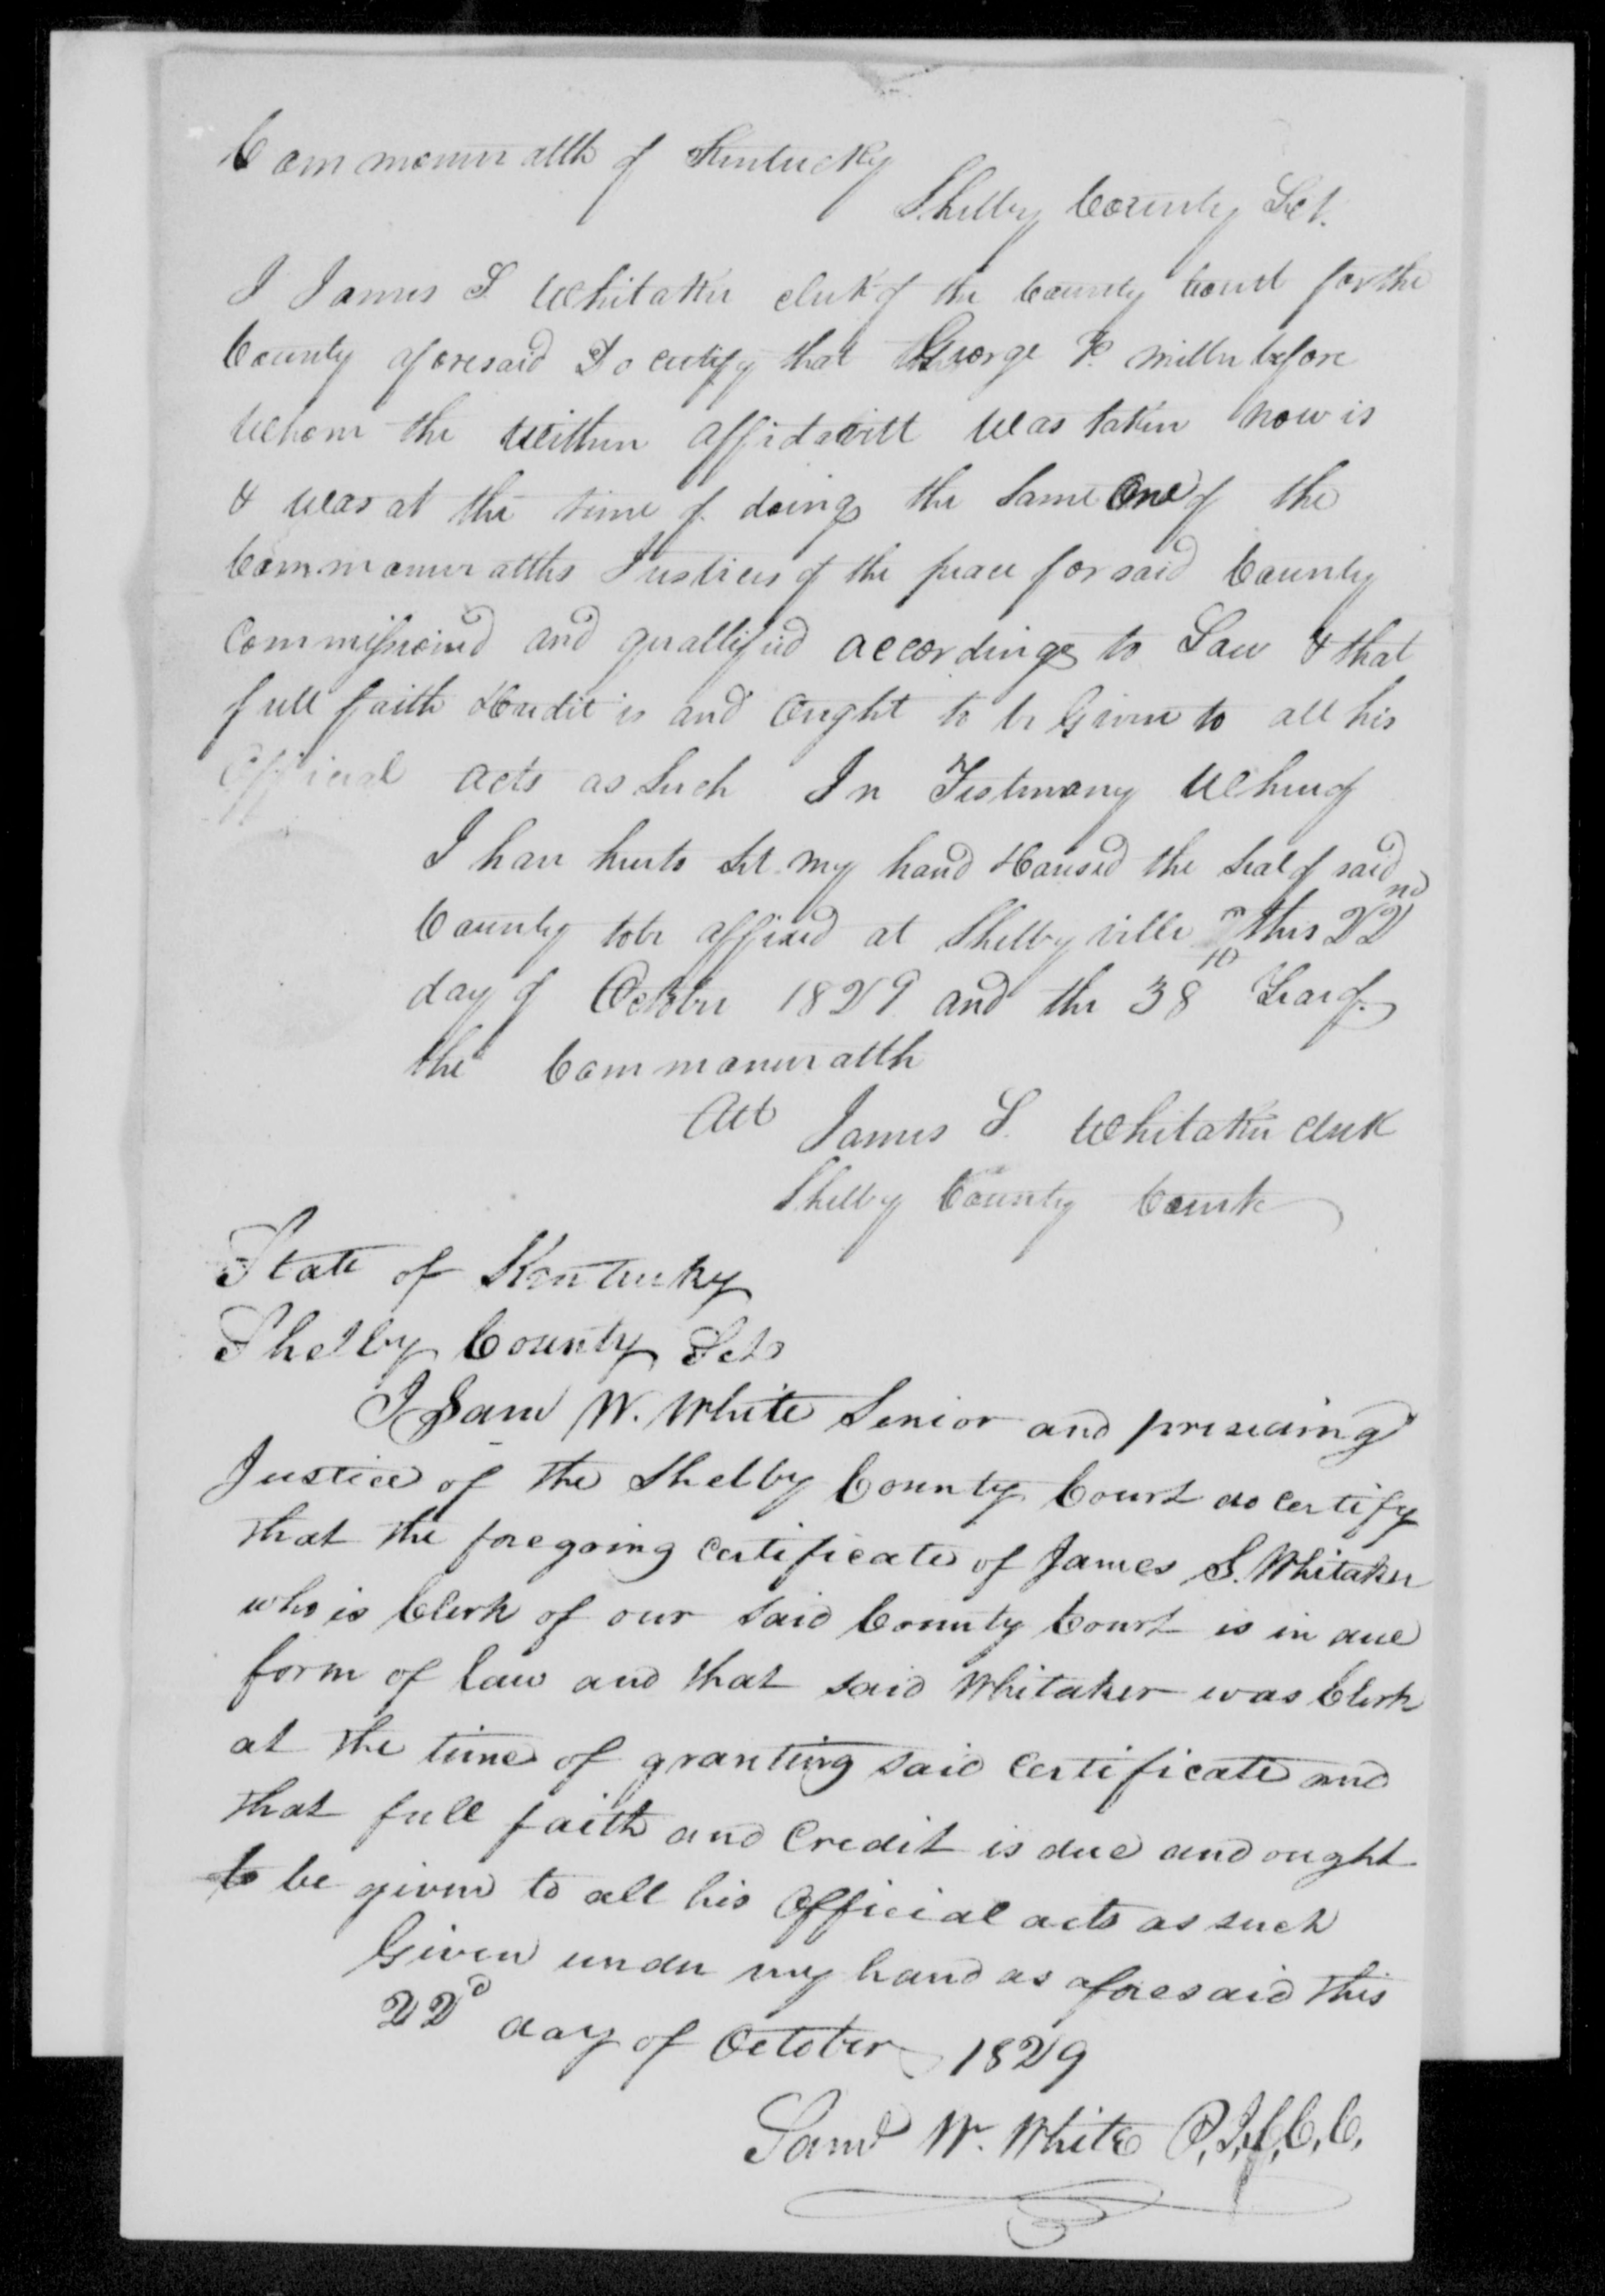Commonwealth of Kentucky Shelby County Set
I James Whitaker Clerk of the County Court for the
aforesaid do certify that George P. Miller before
whom the within affidavit was taken now is
at the time of doing the same one of the
Commonwealths Justices of the peace for said County
Commission and quallified [qualified]  according to law & that
full faith & Credit is and ought to be given to all his
Official acts as such In Testimony whereof
I have hereto set my hand caused the Seal of said
County to be affixed at Shelbyville this 22nd
day of October 1829 and the 38th Year of
the Commonwealth
Att James S. Whitaker Clerk
Shelby County Court
State of Kentucky
Shelby County Set

I Sam W. White Senior and presiding
Justice of the Shelby County Court do certify
that the foregoing certificate of James S. Whitaker
who is Clerk of our said County Court is in due
form of law and that said Whitaker was Clerk
at the time of granting said certificate and
that full faith and credit is due and ought
to be given to all his official acts as such
Given under my hand as aforesaid this
22d day of October 1829
Saml W. White J. of CC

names: Whitaker, James S Whitaker, Saml W White, James S Whitaker, Sam W White, George P Miller, James S Whitaker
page: 45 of 51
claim: rejected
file: R. 10,921, William Vawter, Va.